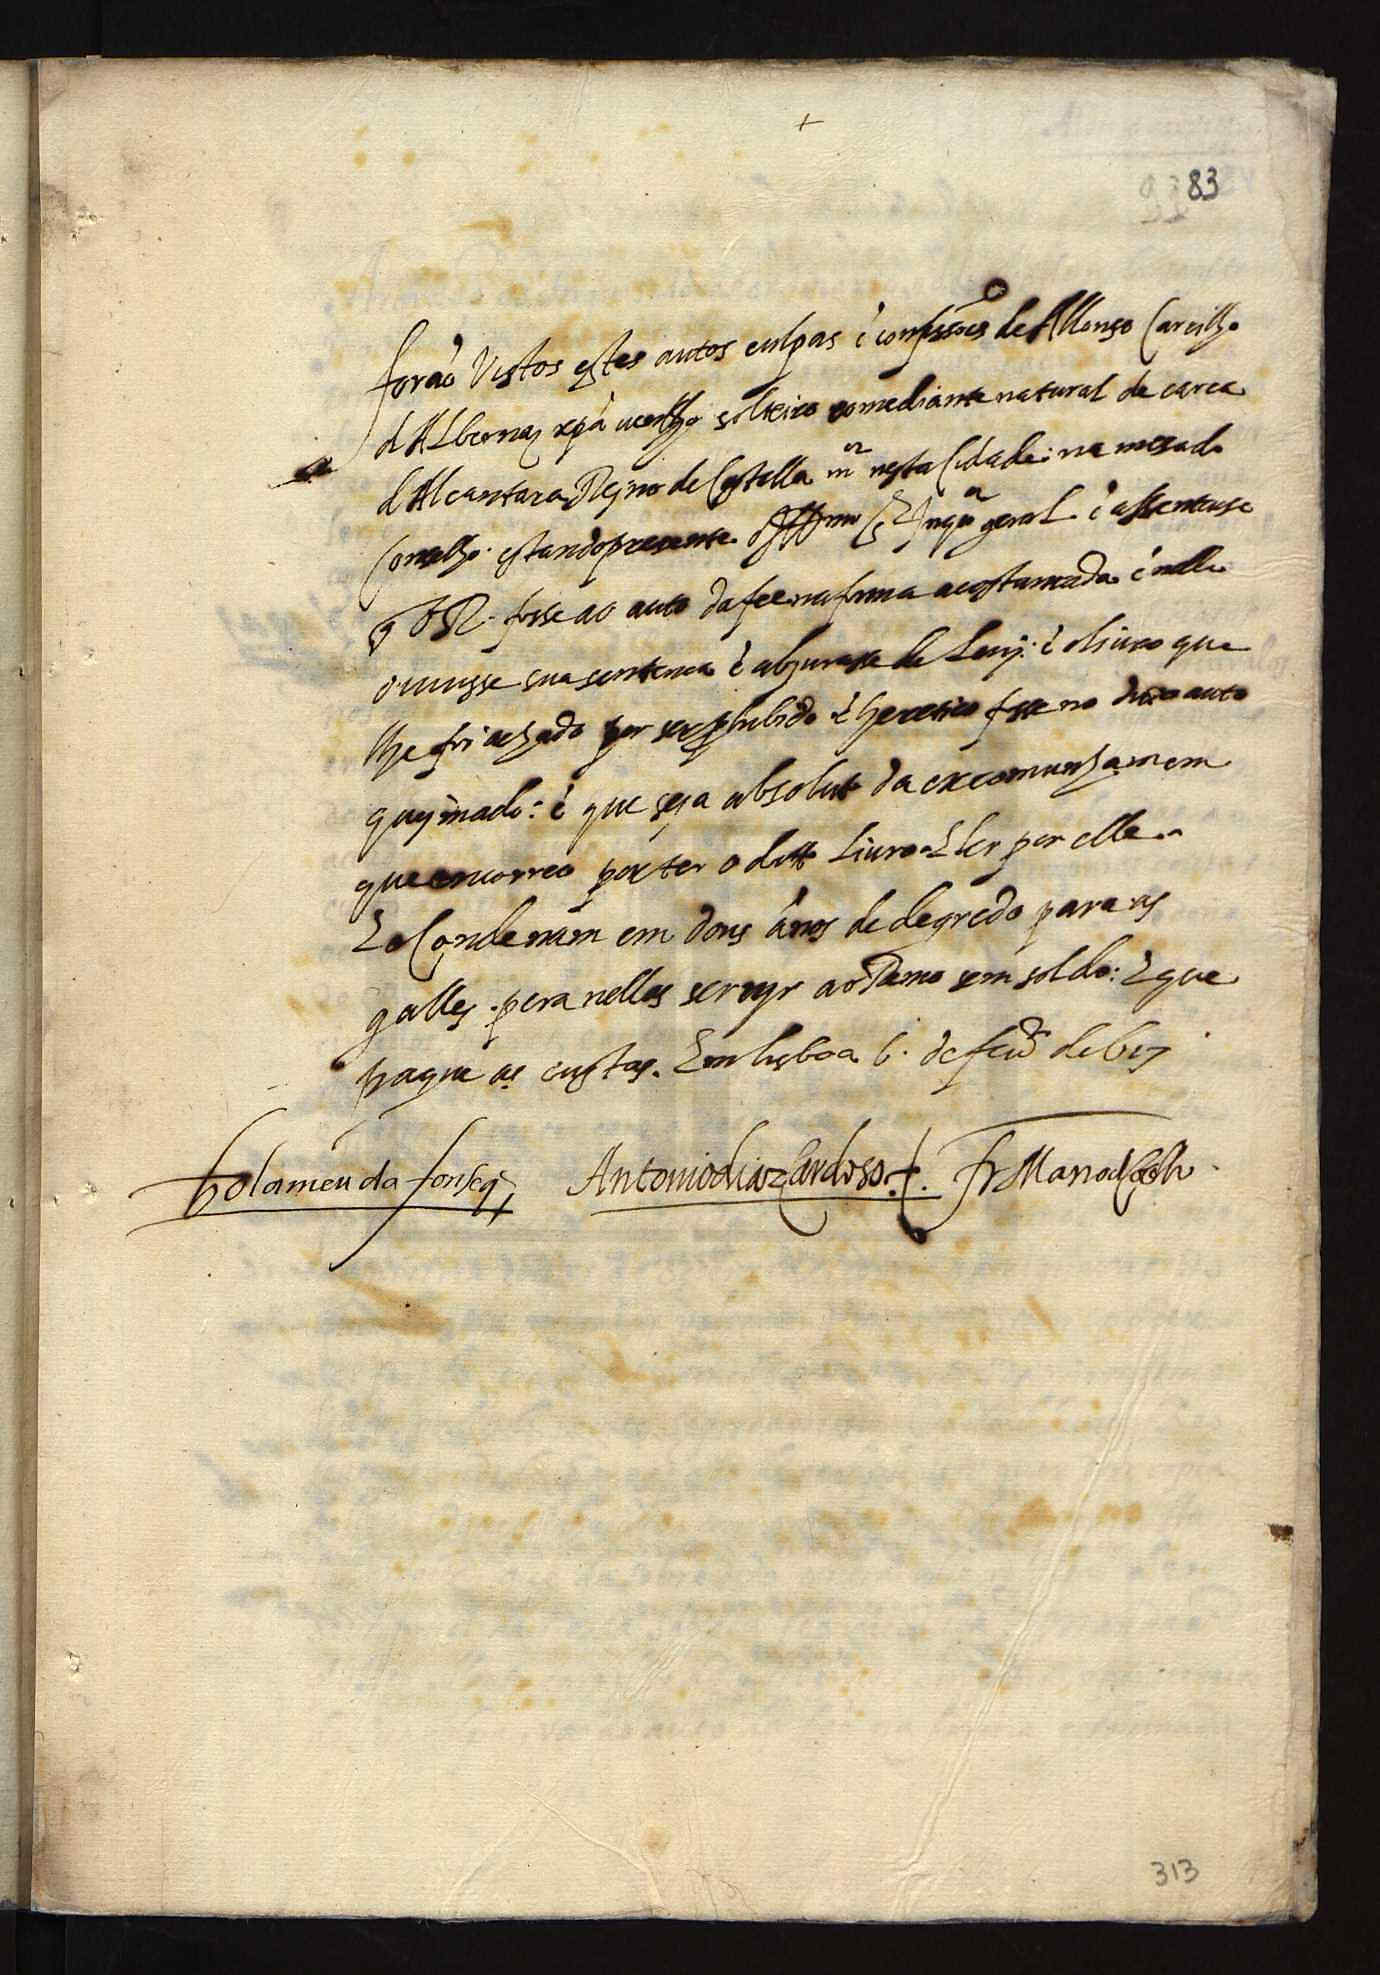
foraõ Vistos estes autos culpas e confissões de Allonço Carrilho
dAlbernaz xpā uelho solteiro comediante natural de carca
dAlcantara Rejno de Castella mor nesta Cidade na mesa do
Conselho. estando presente o Jllmo sor Jnquor geraL e assentouse
q̄ o R. fosse ao auto da fee na forma acostumada, e nelle
ouuisse sua sentença e abjurasse de Leuj: e o liuro que
lhe foi achado por ser ꝓhibido e heretico fosse no dito auto
quejmado: e que sera absoluto da excomunham em
que encorreo por ter o ditto liuro E ler por elle.
E o Condenam em dous an̄os de degredo para as
galles pera nelles serujr ao Remo sem soldo: E que
pague as custas. Em lisboa 6. de feuro de 617
b̄olameu da fonseqa
Antonio diaz Cardoso.
Fr. Manoel Coelho
